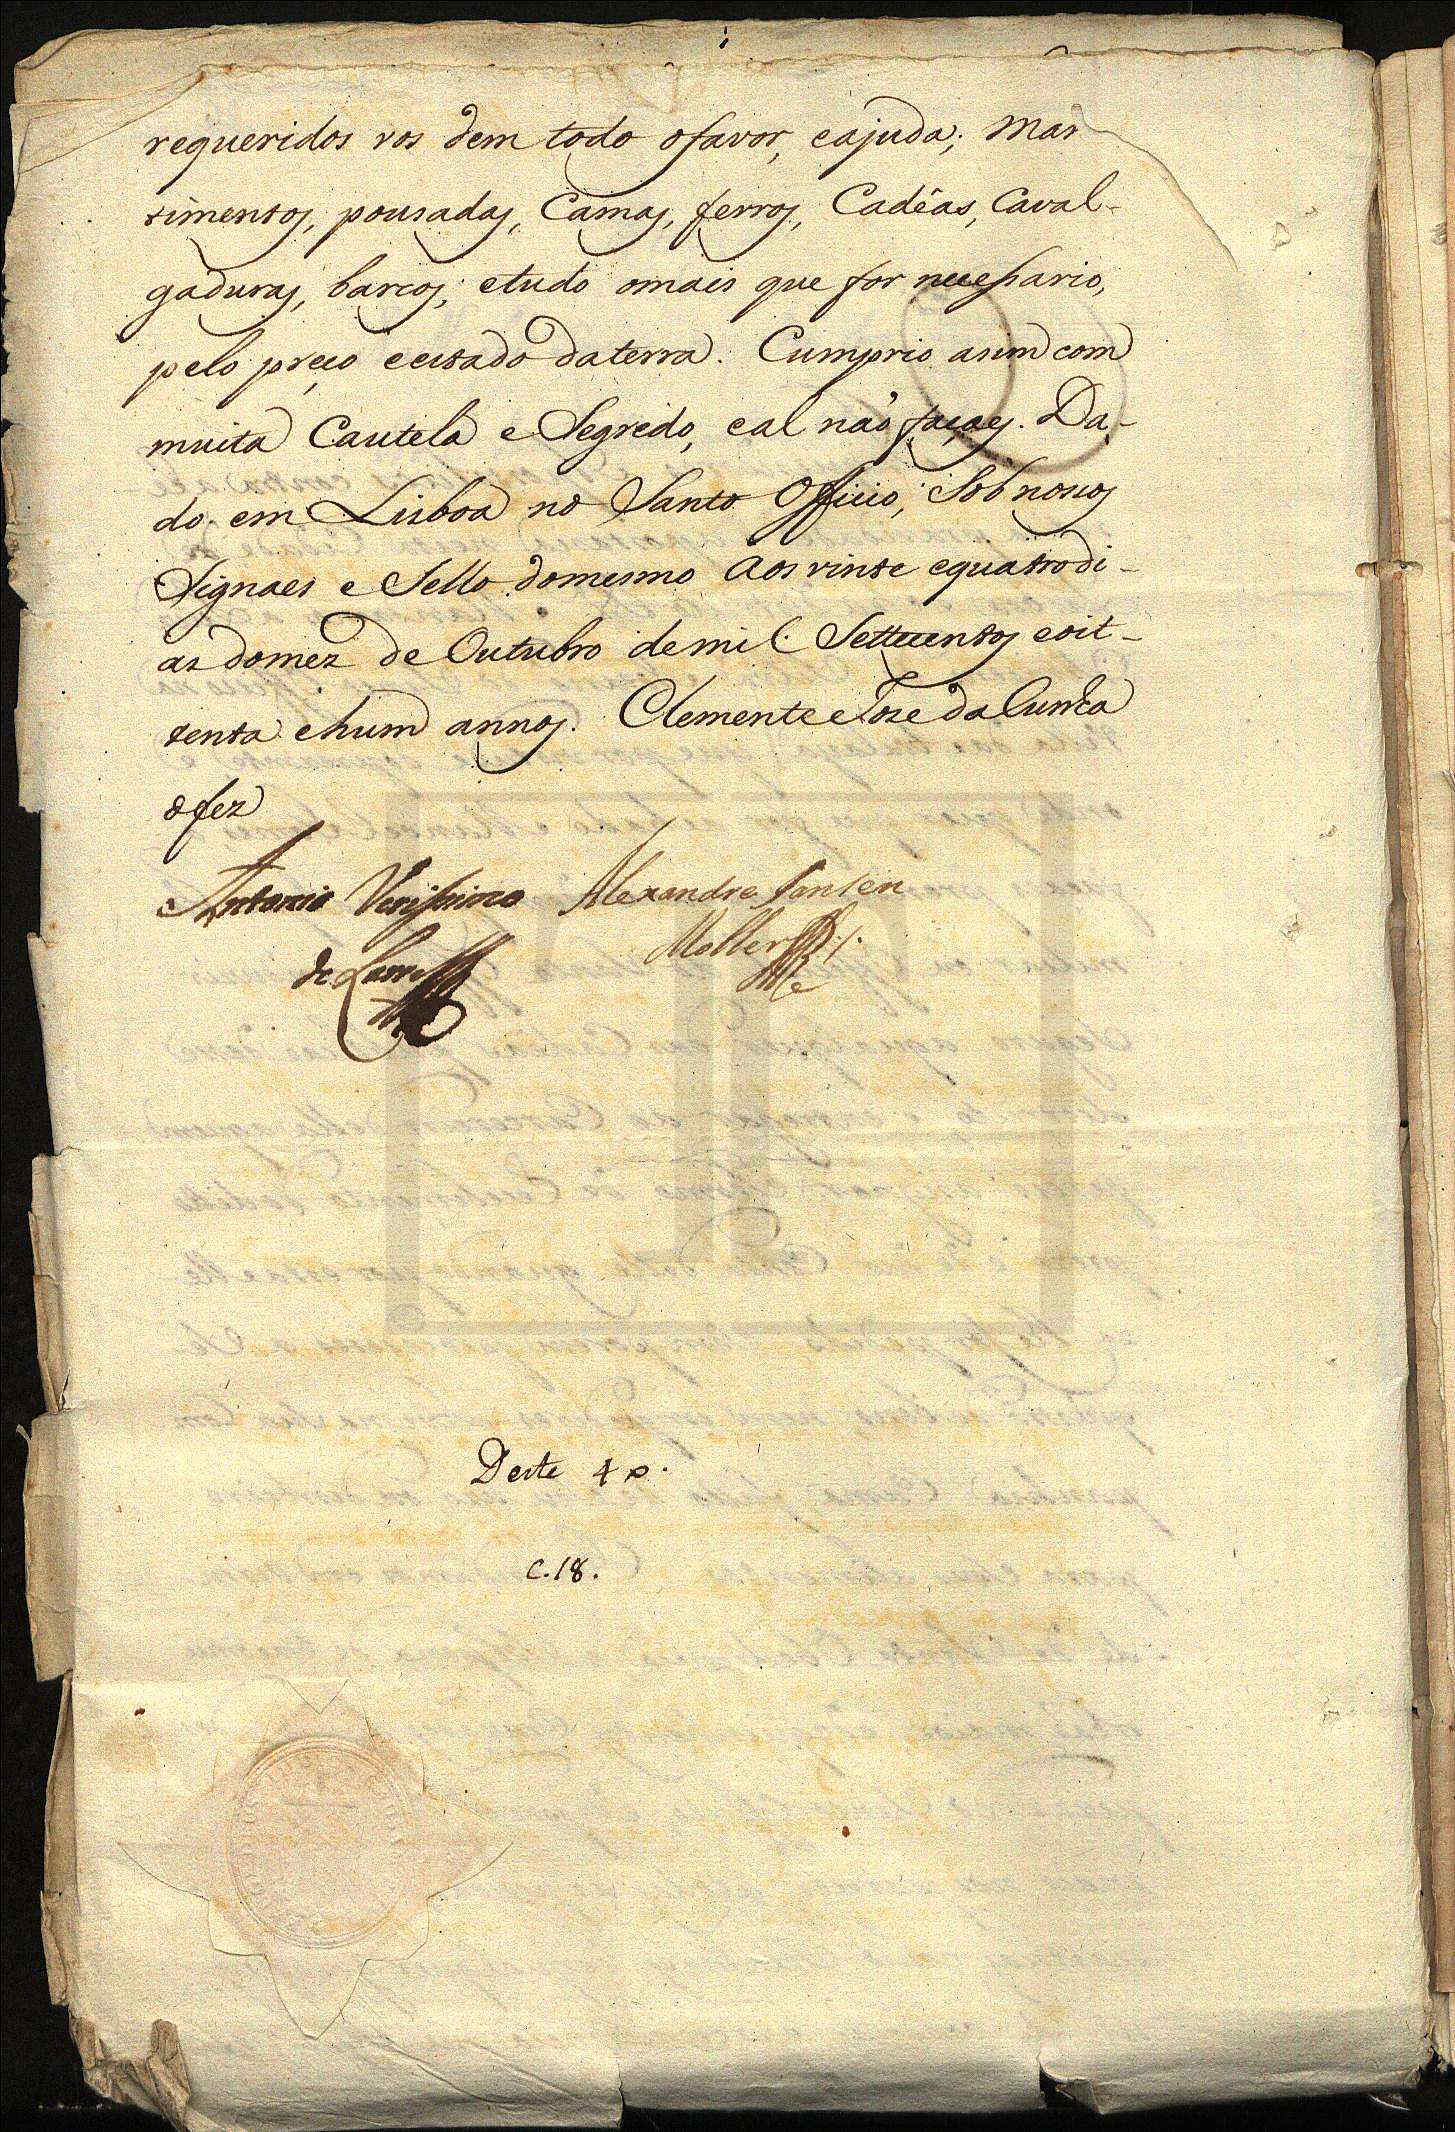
requeridos vos dem todo o favor, e ajuda; ma
timentos, pousadas, Camas, ferros, Cadêas, Caval
gaduras, barcos; e tudo o mais que for necessario,
pelo preço e estado da terra. Cumprio asim com
muita Cautela e Segredo, e al naõ façaes. Da
do, em Lisboa no Santo Officio; Sob nossos
Signaes, e Sello do mesmo aos vinte e quatro di
as do mez de Outubro de mil Settecentos e oit
tenta e hum annos. Clemente Ioze da Cunha
o fez
Antonio Verissimo
de Larre
Alexandre Iansen
Moller
Deste 40.
C.18.
